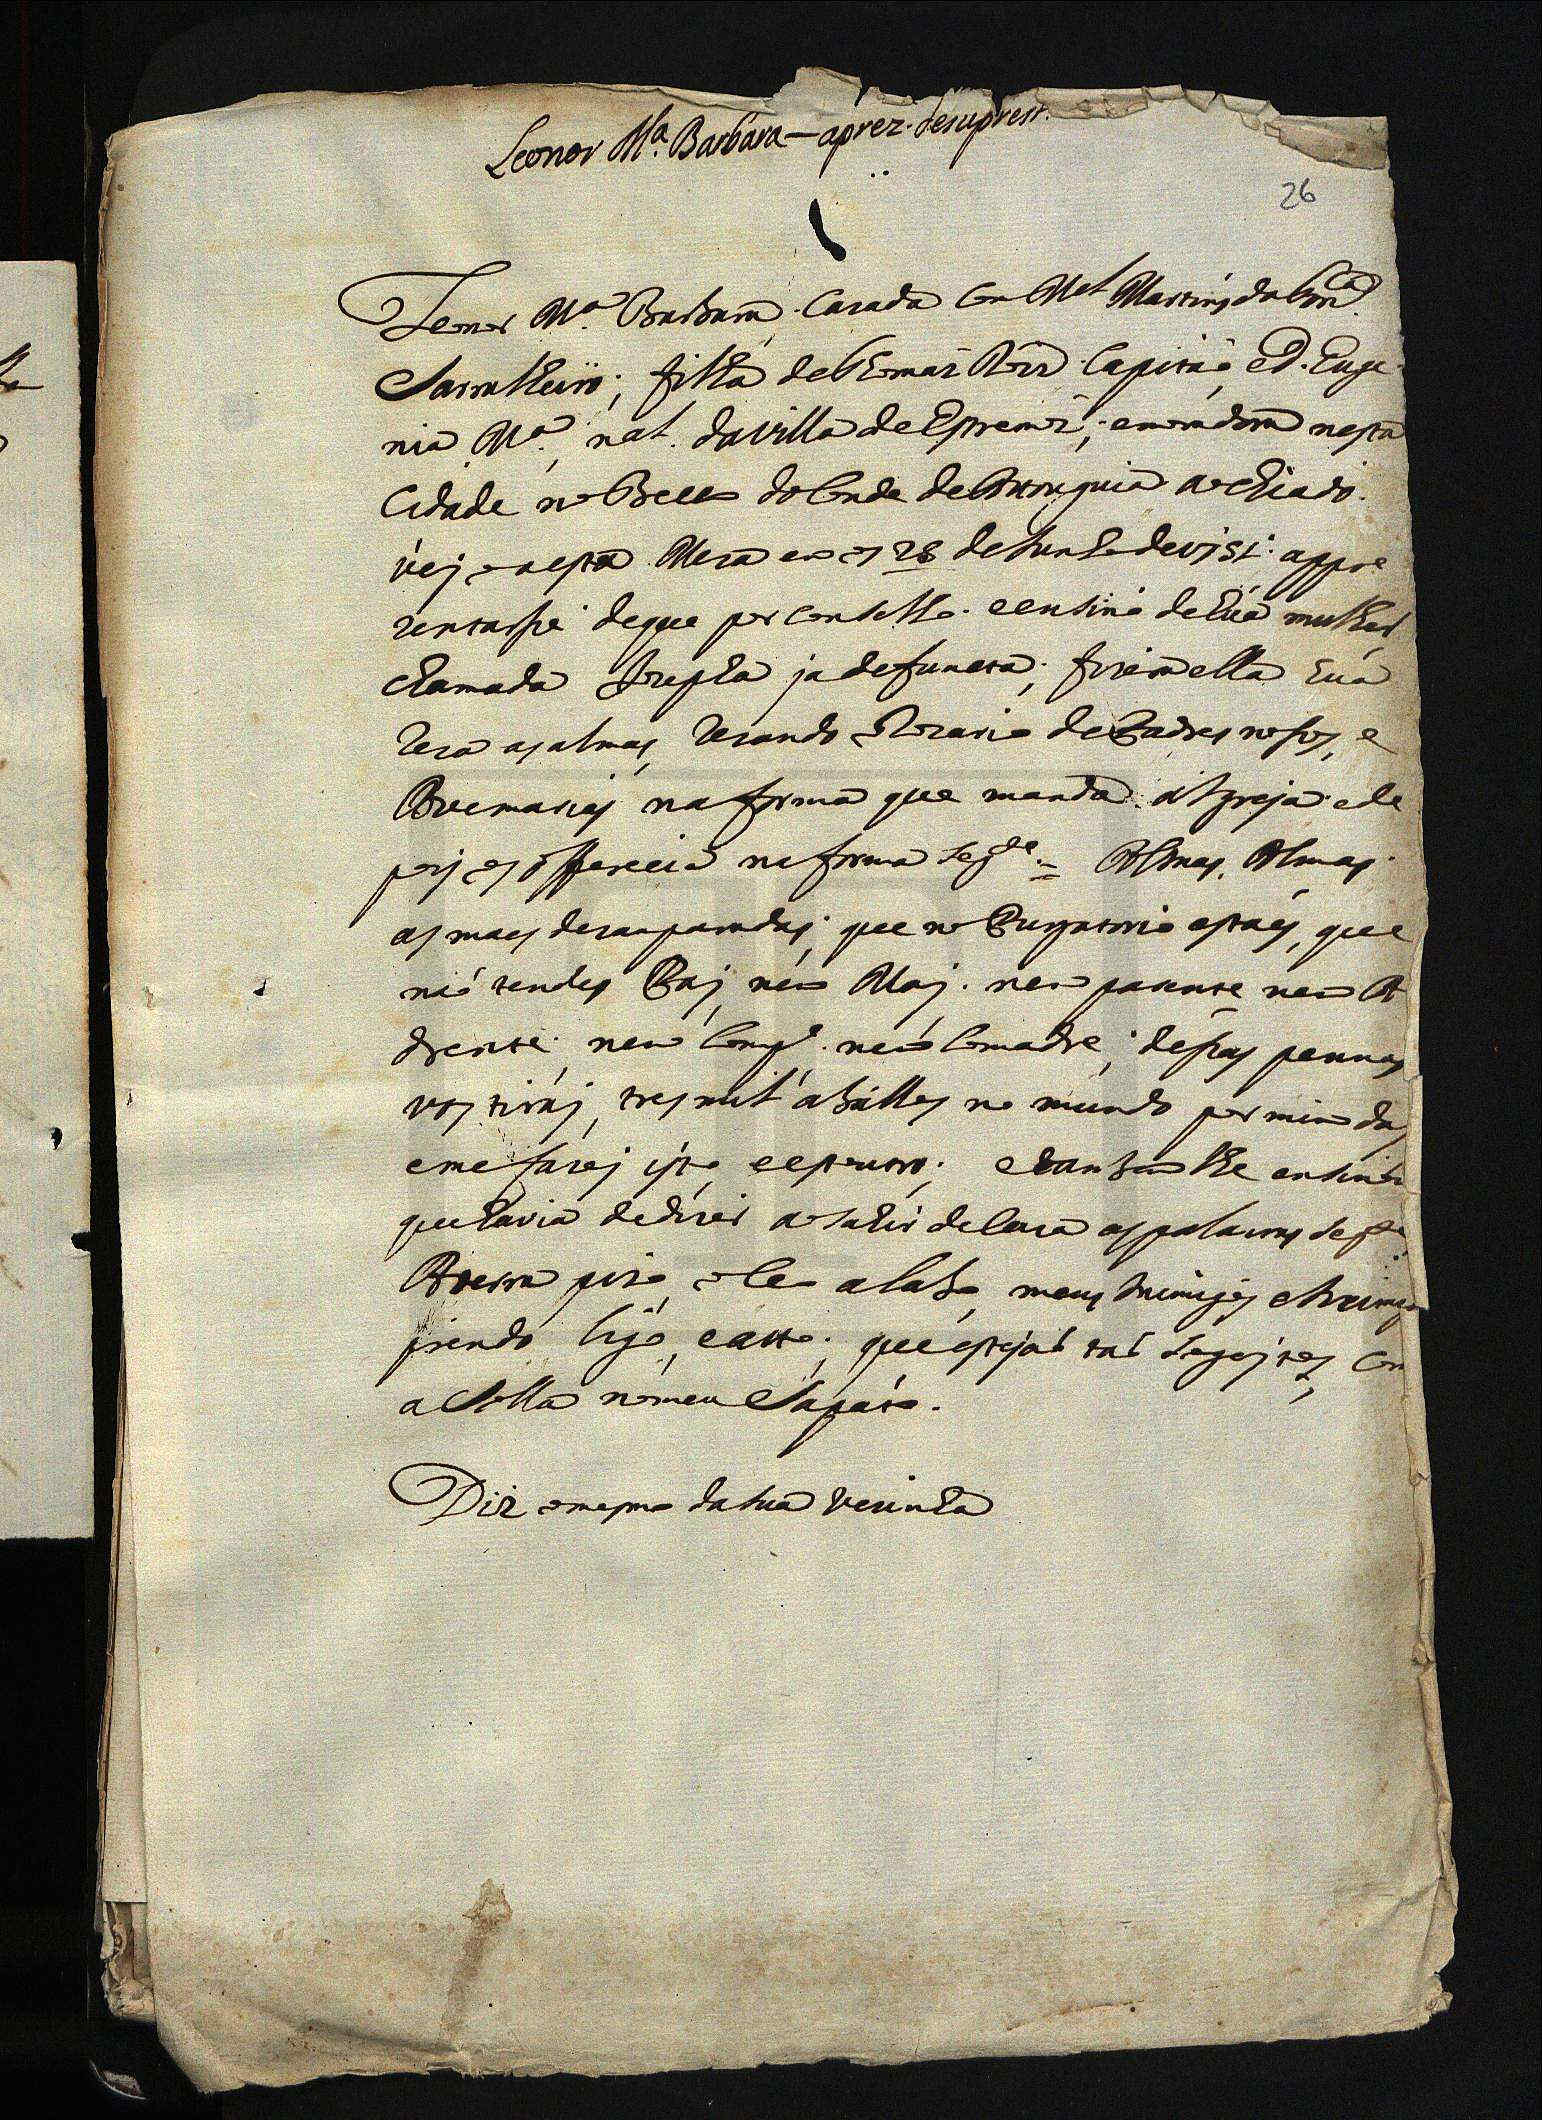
Leonor M.a Barbara = aprez. de suprest.
Leonor M.a Barbara cazada com M.el Martins da Com.ca
Sarralheiro; filha de Thomaz Roiz Capitaõ, e D. Euge
nia M.a, nal. da villa de Estremoz; e moradora nesta
Cidade no Becco do Conde de Atouguia ao chiado
vejo a esta Meza, em os 28 de Iunho de 1751. appre
zentarsse de que por conselho. e ensino de hūa mulher
chamada Jozepha ja defuncta; fizera ella huā
Reza as almas, Rezando Rozario de Padres nosos, e
Ave marias na forma que manda: a Igreja e de
pois os offerecia na forma seg.te= Almas, Almas
as maes dezanparadas; que no Purgatorio estaés, que
naõ tendes Paj, nen Maj. nem parente nem A
drente; nem Comp.a; nem Comadre dessas pennas
vos tiraj, tres mil abállos no mundo por mim daj
e me fazej isto, e es outro; e tambem lhe ensin
que havia de dizer ao sahir de Caza as palavras segte
A terra pizo, o Ceo alabo, meus Inimigos e Inimig
prendo ligo, e atto; que estejaõ taõ sogejtos com
a Solla no meu Sapato.
Diz o mesmo da sua vezinha
